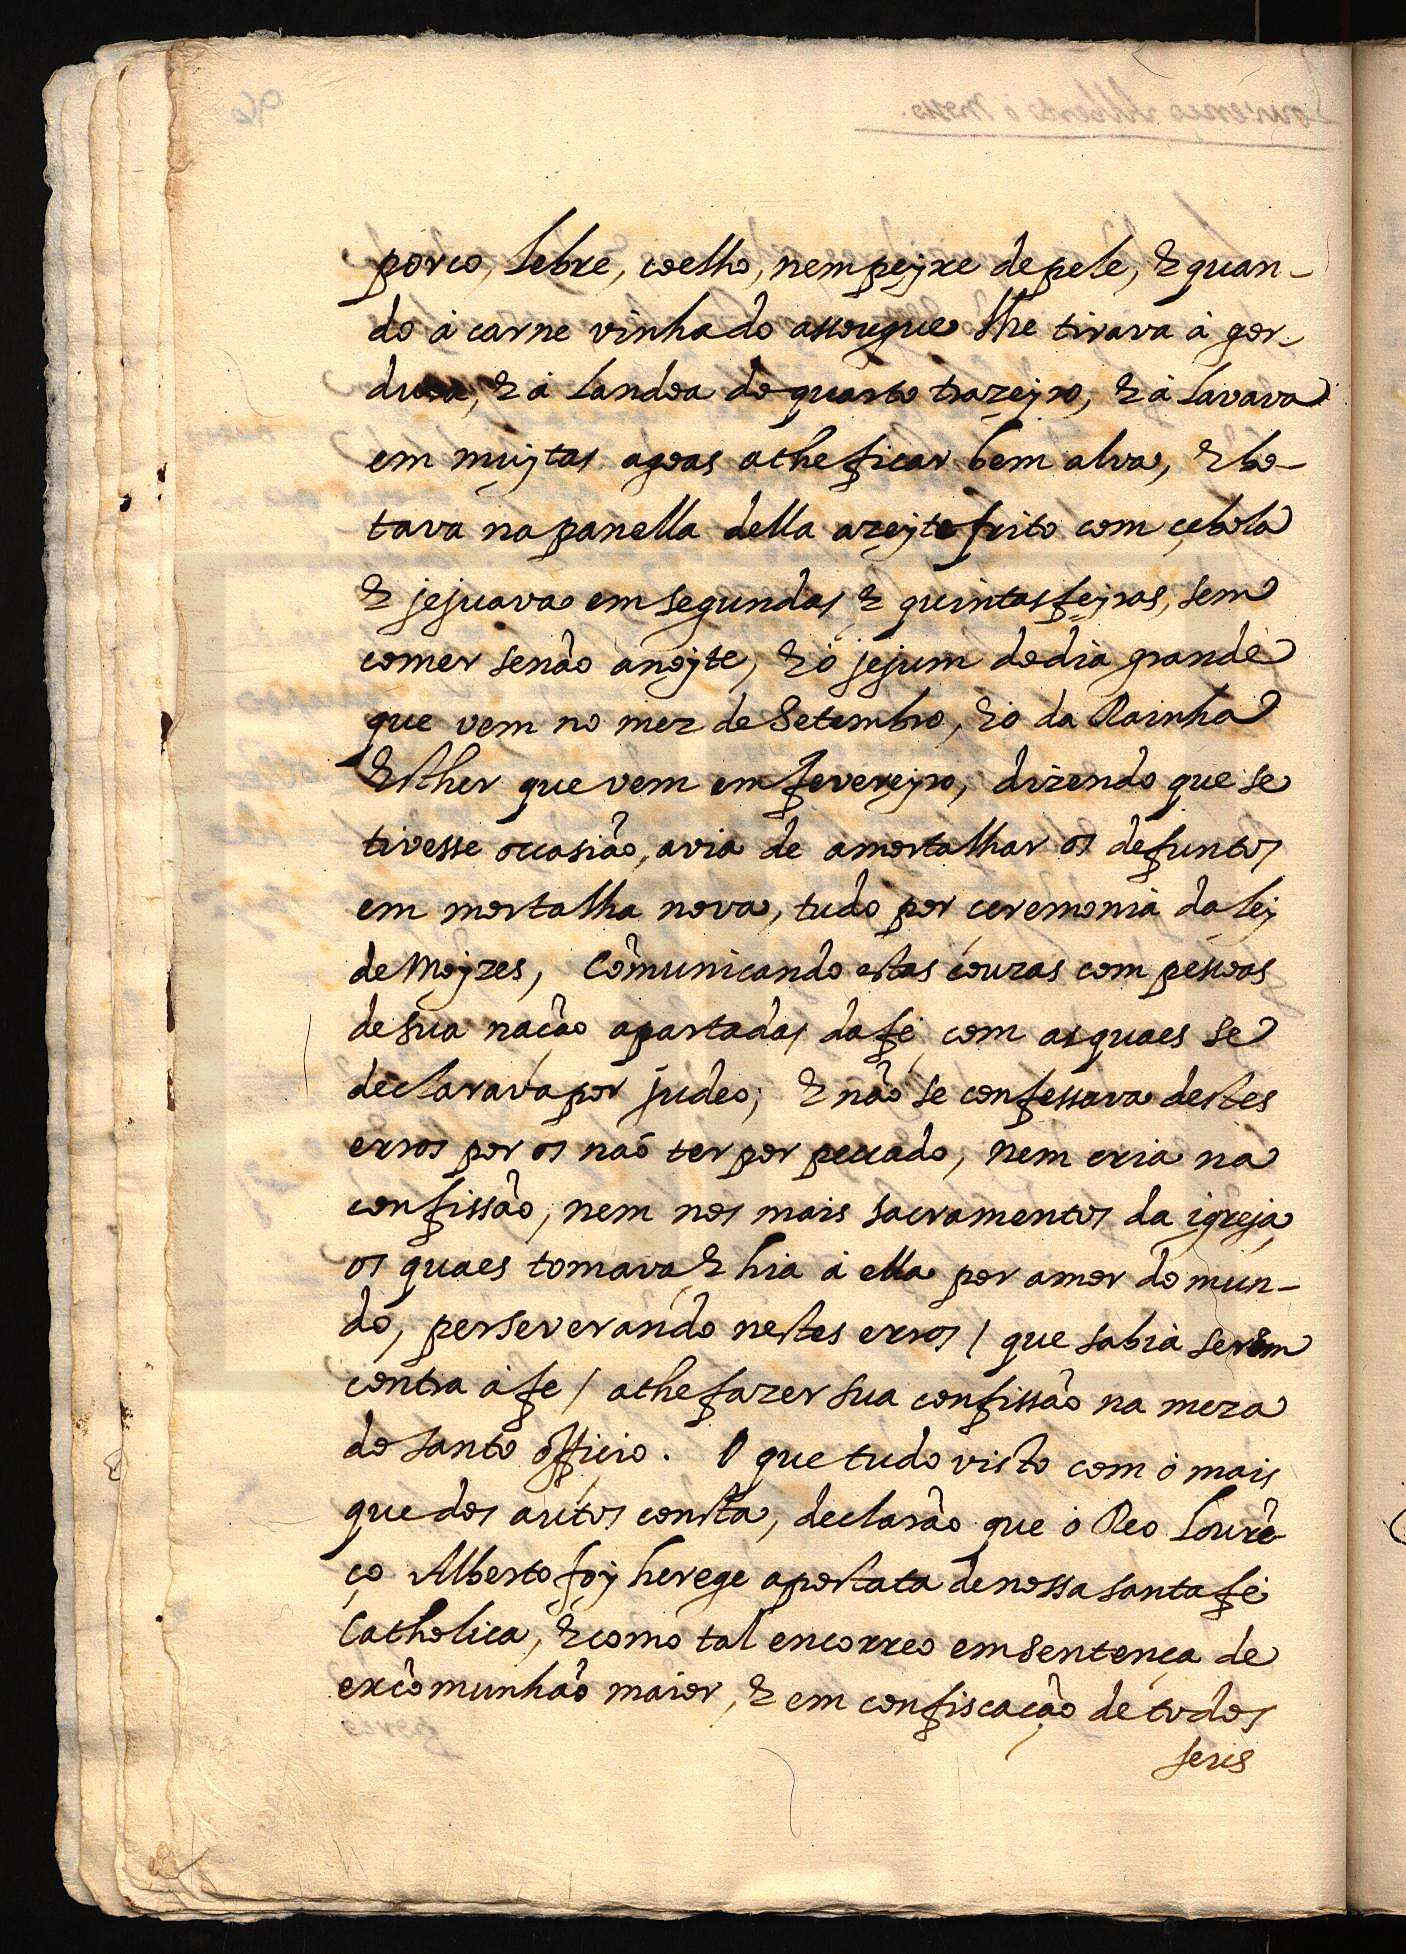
porco, Lebre, coelho, nem peyxe de pele, E quan
do a carne vinha do assougue lhe tirava a gor
dura, E a landoa do quarto trazeyro, E a Lavava
em muytas agoas athe ficar bem alva, E bo
tava na panella della azeyte frito com çebola
E jejuava em segundas E quintas feyras, sem
comer senão a noyte, E o jejum do dia grande
que vem no mez de Setembro, E o da Rainha
Esther que vem em fevereyro, dizendo que se
tivesse occasião, avia de amortalhar os defuntos
em mortalha nova, tudo por çeremonia da ley
de Moyzes, cōmunicando estas couzas com pessoas
de sua nação apartadas da fe, com as quaes se
declarava por judeo; E não se confessava destes
erros por os naõ ter por peccado, nem cria na
confissão, nem nos mais sacramentos da igreia,
os quaes tomava, E hia a ella por amor do mun
do, perseverando nestes erros / que sabia ser_m
contra a fe / athe fazer sua confissão na meza
do santo offiçio. O que tudo visto com o mais
que dos autos consta, declarão que o Reo Lourē
ço Alberto foy herege apostata de nossa santa fe
Catholica, E como tal encorreo em sentença de
excōmunhão maior, E em confiscação de todos
seus
